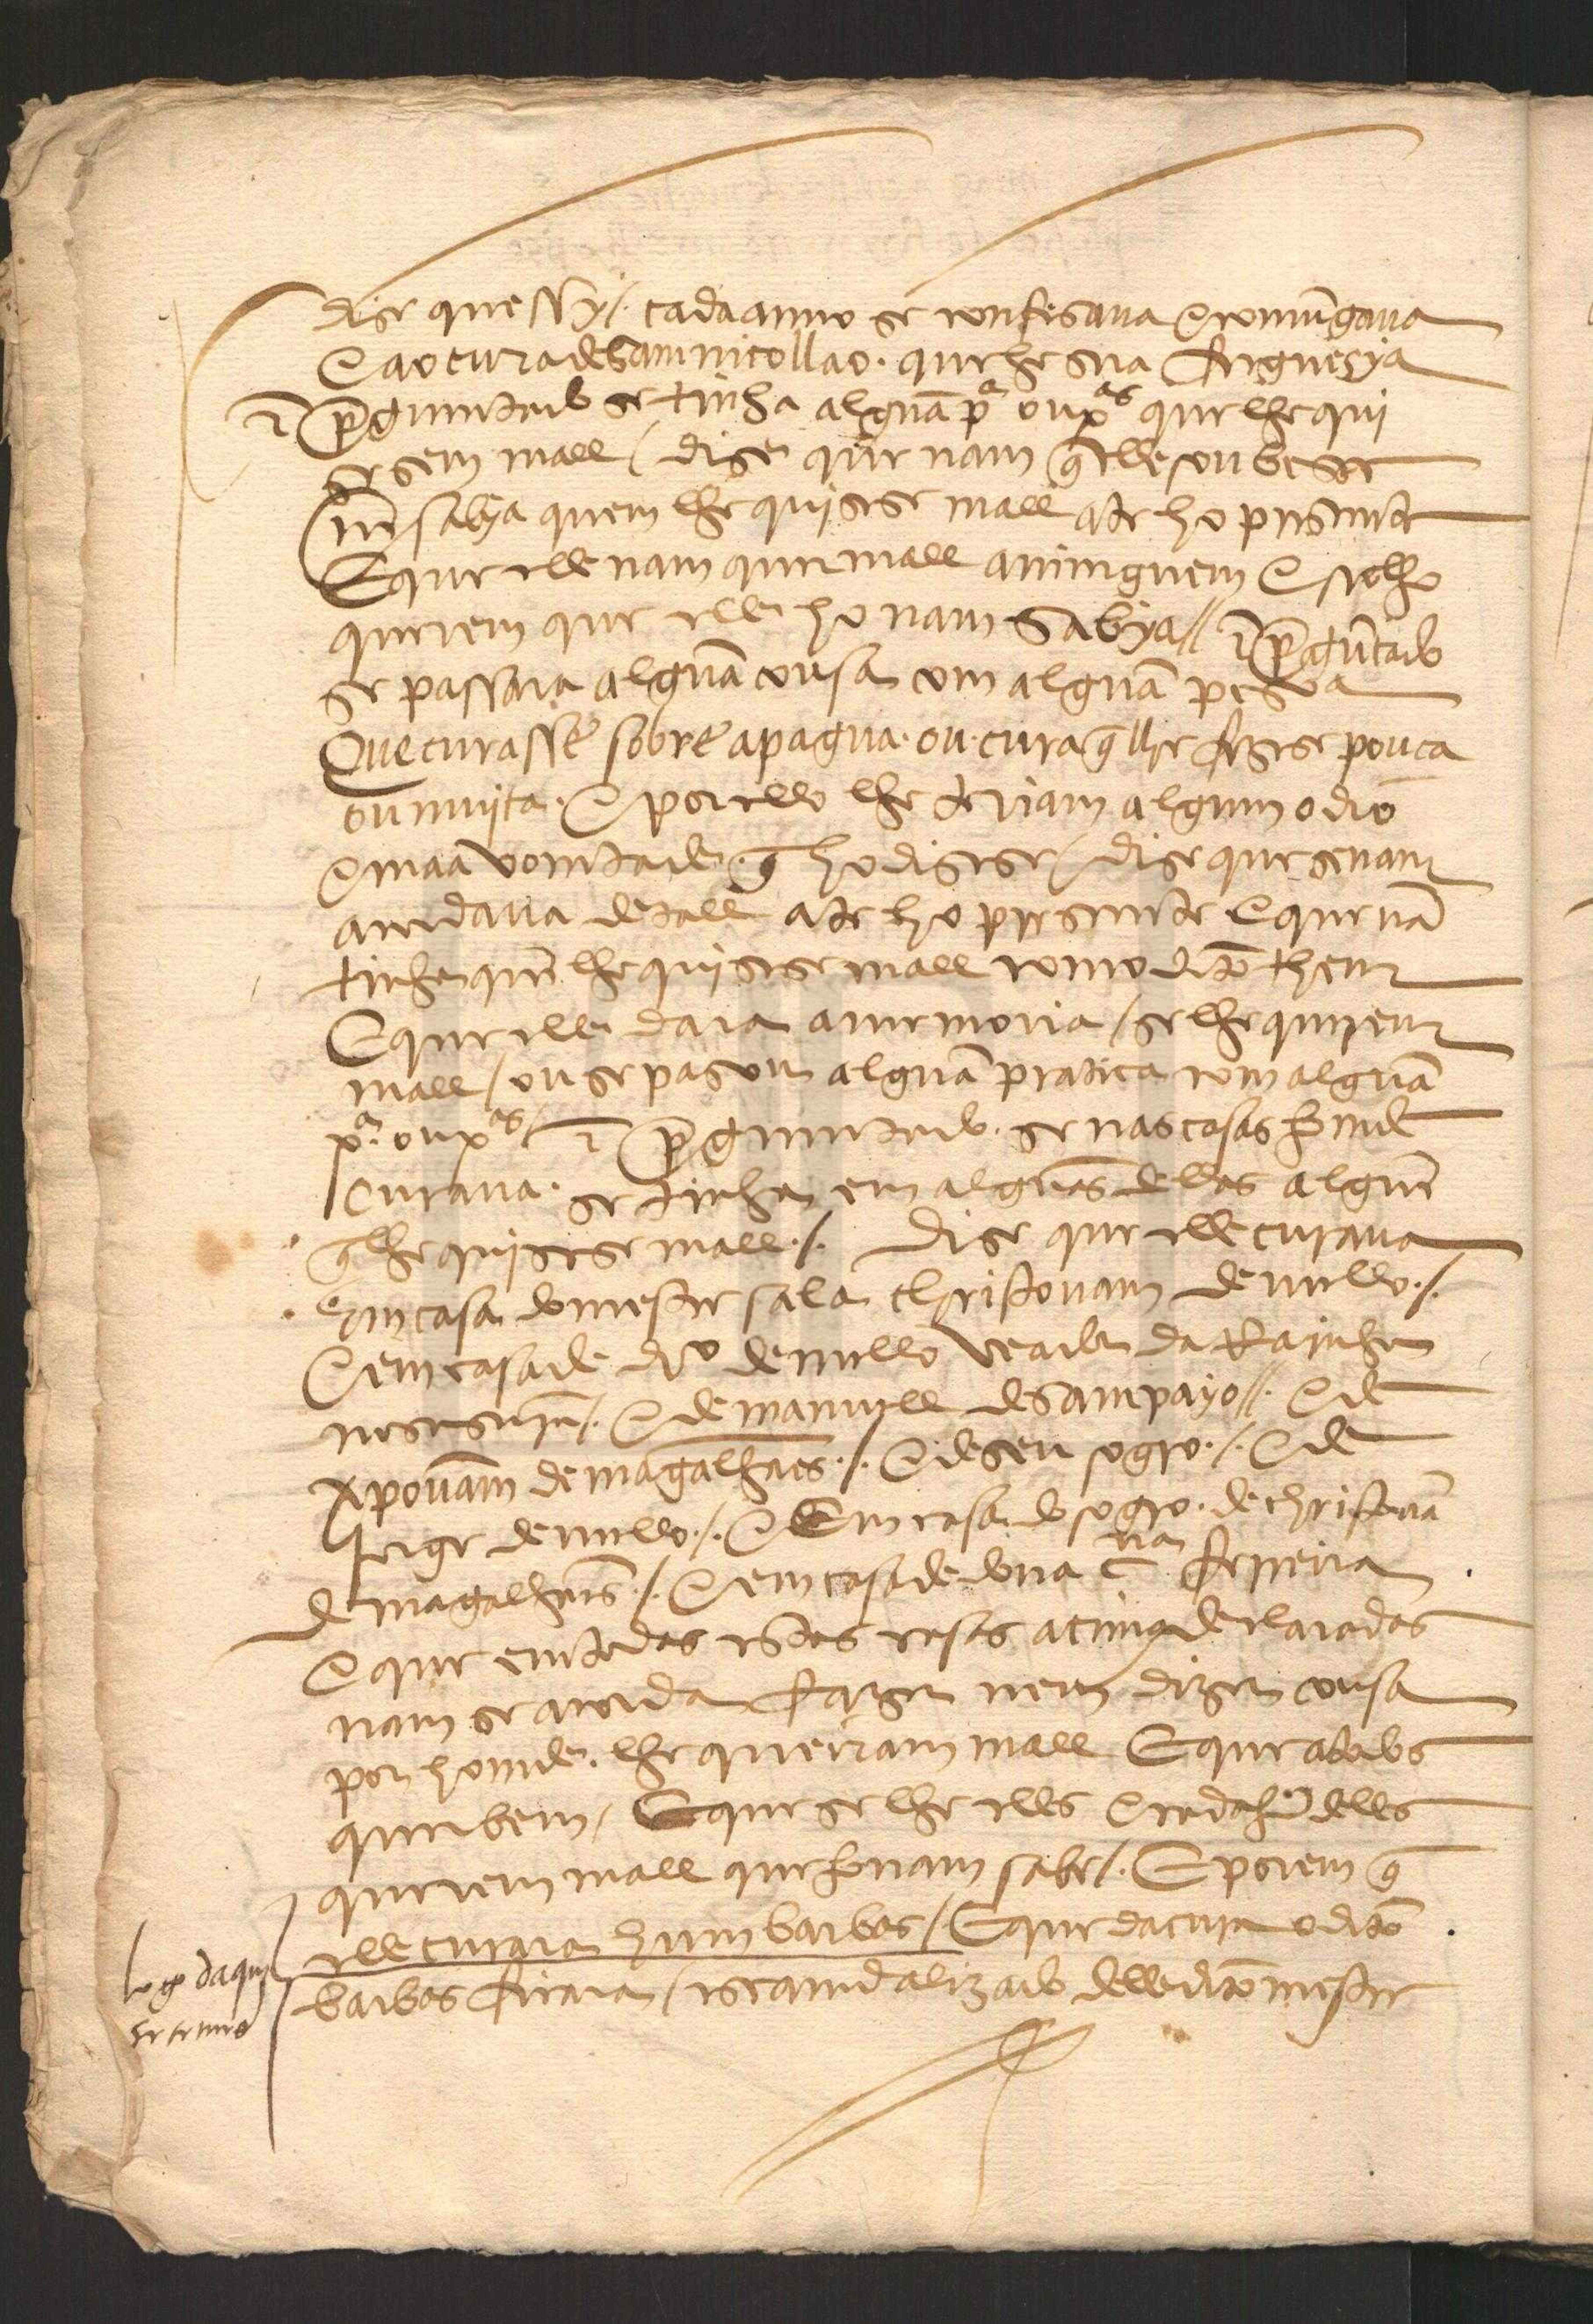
dise que ssy/. cada anno se confesaua e comūgaua
e ao cura de sam nicollao. que he sua freguesya
item p̄gumtado se tinha alguā pa ou pas que lhe quj
sesem mall / dise que nam q̄ elle soubesse
nē sabya quem lhe qujsese mall ate ho presemte
E que elle nam quer mall a nimguem e sse lho
querem que elle ho nam sabya// item p̄gūtado
se passara algūa cousa com alguā pesoa
Que curasse sobre a pagua. ou. cura que lhe fezese pouca
ou mujta. e por ello lhe teriam algum odio
e maa vomtade q̄ ho disese/ dise que se nam
acordaua de tall ate ho presemte e que nā
tinha quē lhe qujsese mall como dito them
E que elle dara a memoria / se lhe querem
mall / ou se pasou alguā pratica com alguā
pa. ou pas/ item p̄gumtado. se nas casas homde
curaua. se tinha em algūas dellas alguē
q̄ lhe qujsese mall./. dise que elle curaua
Em casa do mestre sala christouam de mello ./.
e em casa de dio de mello veador da Rainha
nosa snr̄a/. e de manuell de sampayo //. e de
Xpoūam de magalhães./. e de seu sogro./. e de
Jorge de mello./. e Em casa do sogro. de christouā
de magalhães./. e em casa de dona Cna ferreira
e que em todas estas casas açima declaradas
nam se acorda fazer nem dizer cousa
por homde. lhe queiram mall E que a todos
quer bem / E que se lhe elles e cada hū delles
querem mall que ho nam sabe/. E porem q̄
elle curara hum barbas / E que da cura o dito
barbas ficara / escamdalizado delle dito mestre
